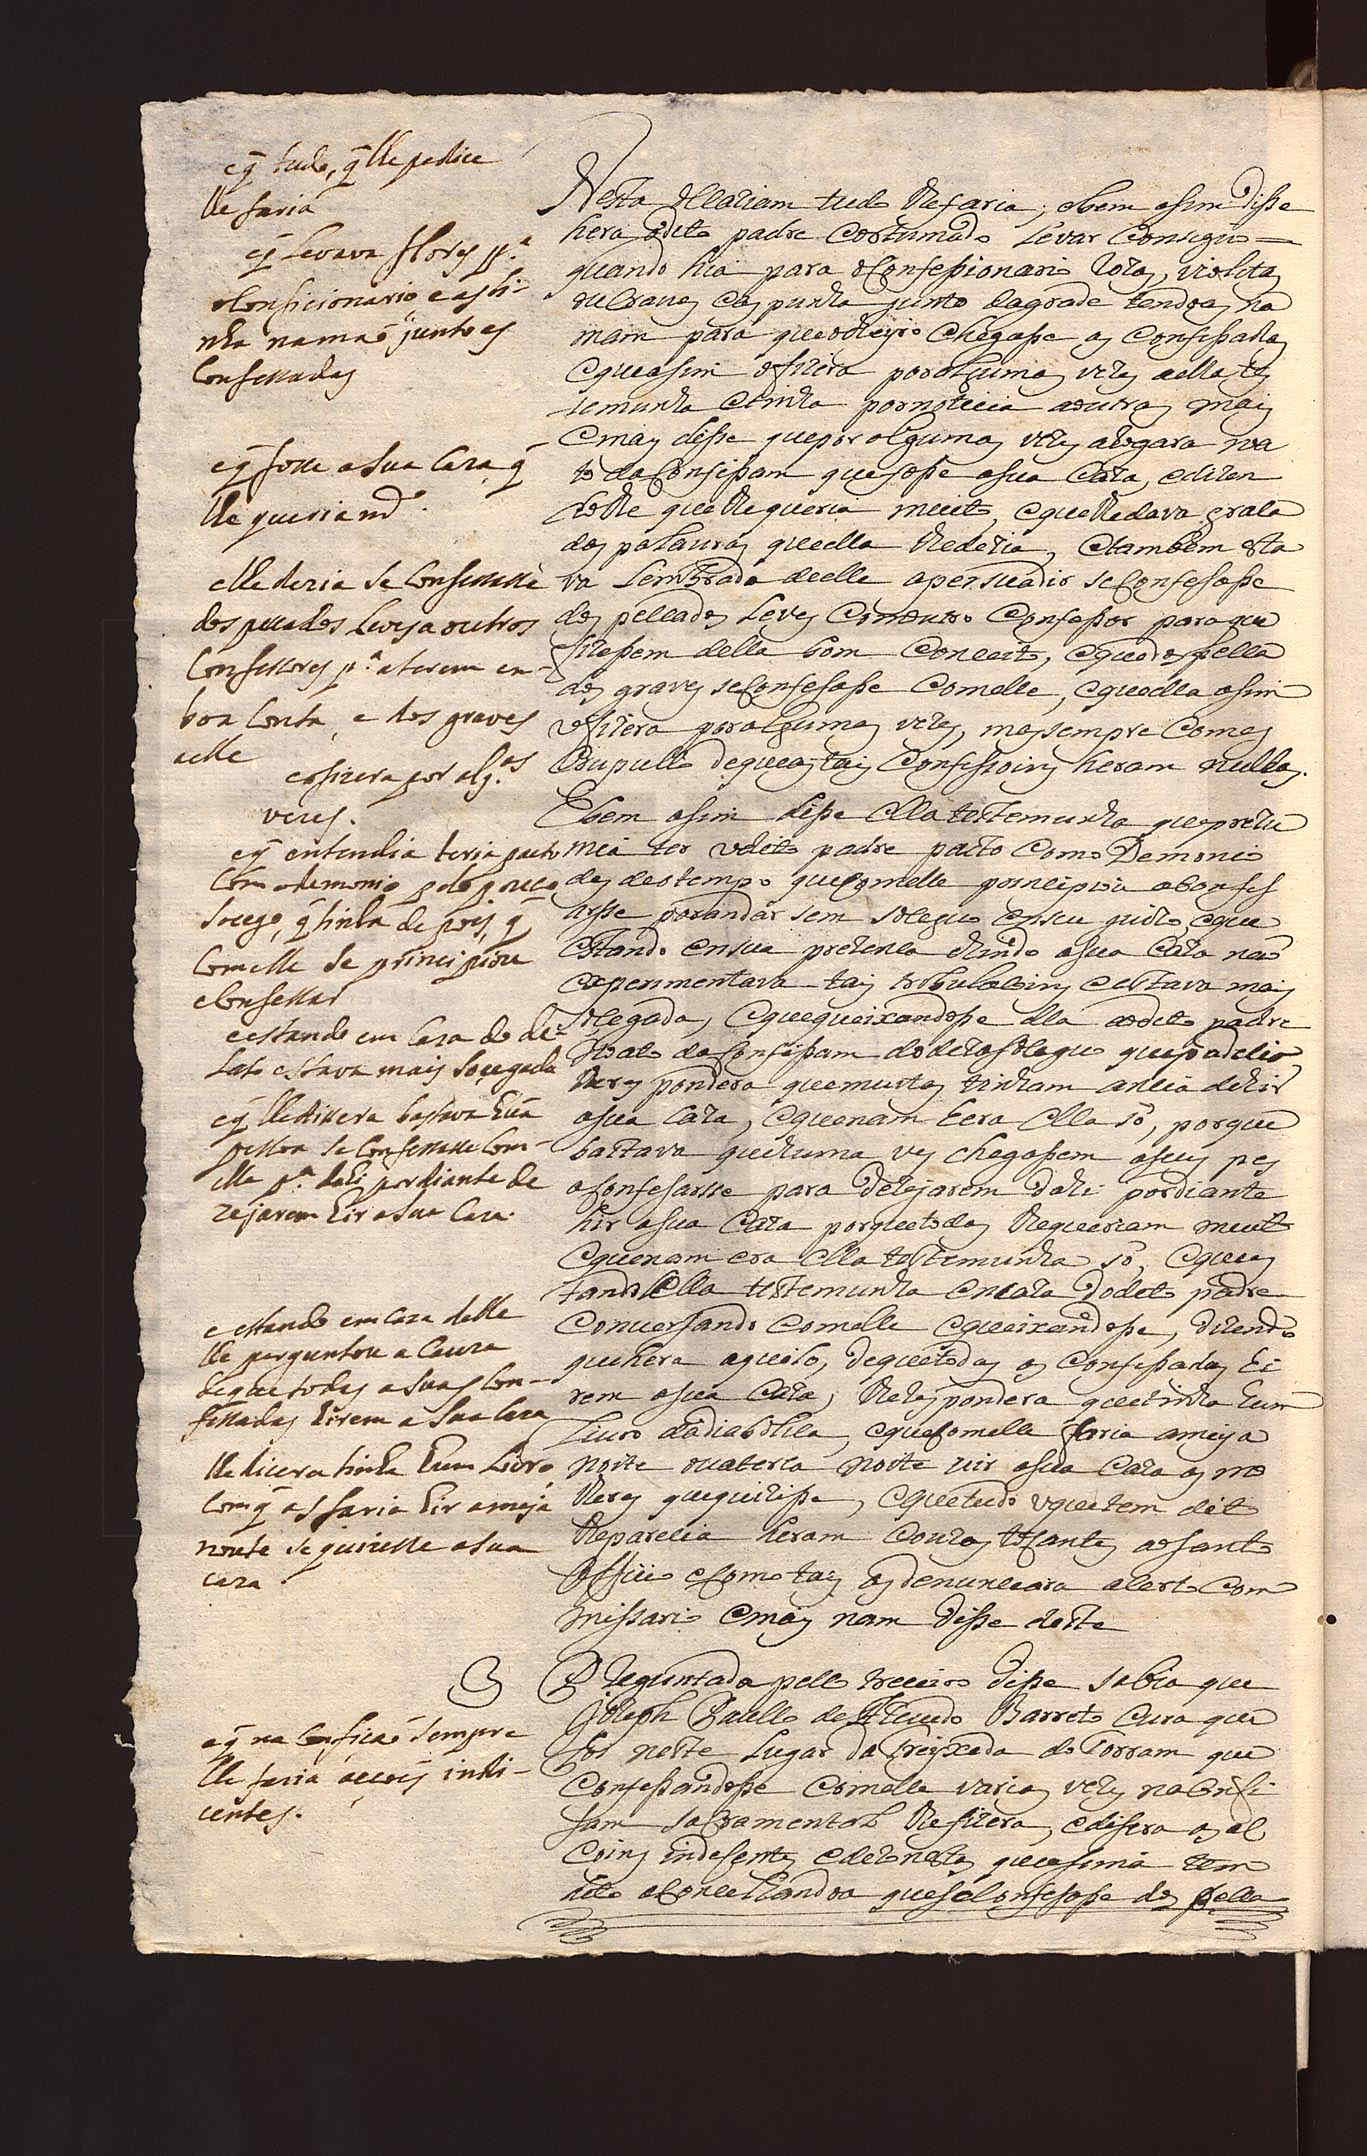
e q̄ tudo, q̄ lhe pedice
lhe faria
e q̄ levava flores p.a
o Conficionario, e as ti
nha na maõ junto as
Confessadas
e q̄ fosse a sua caza q̄
lhe queria mto.
elle dezia se confessasse
dos peccados leves a outros
Confessores pa. a terem em
boa Conta, e dos graves
a elle
e o fizera por alg.as
vezes.
e q̄ entendia teria pacto
com o demonio pelo pouco
socego, q̄ tinha depois, q̄
com elle se principiou
e Confessar
e estando em Caza do de
lato estava mais soçegada
e q̄ lhe dissera bastava huā
pessoa se confessasse com
ella p.a dahi por diante de
zejarem hir a sua caza.
e estando em caza delle
lhe perguntou a cauza
de que todas a suas con
fessadas hirem a sua caza
lhe dicera tinha hum Livro
com q̄ as faria hir a meja
noute se quizesse a sua
caza
a q̄ na confiçaõ sempre
lhe fazia acçoēs indi
centes.
Nesta occaziam tudo lhe faria, e bem asim disse
hera o dito padre costumado Levar consiguo
quando hia para o Confessionario rozas, violetas
ou crauos e as punha junto da grade tendoas na
mam para que o cheyro chegasse as confessadas
e que asim o fizera por algumas vezes a ella tes
temunha e tinha por noticia a outras mais
E mais disse que por algumas vezes a rogara no a
to da Confissam que fosse a sua caza, e dizen
dolhe que lhe queria muito, e que lhe dava graca
das palauras que ella lhe dezia, e tambem esta
va lembrada de elle a persuadir se confesasse
dos peccados leves com outro confessor para que
fizessem della bom conceito, e que dos pecca
dos graves se confesasse com elle, e que ella asim
o fizera por algumas vezes, mas sempre com es
crupullo de que as tais confessoins heram nullas.
E bem assim disse ella testemunha que prezu
mia ter o dito padre pacto com o Demonio
desde o tempo que com elle principiou a confes
arsse por andar sem soceguo en seu juizo, e que
estando en sua prezenca e hindo a sua caza naõ
experimentava tais trobulacoins e estava mais
soçegada, e que queixandosse ella ao dito padre
no ato da Confissam do dezasoceguo que padecia
lhe respondera que muitas tinham ancia de hir
a sua caza, e que nam hera ella só, porque
bastava que huma vez chegassem a seus pes
a confesarsse para dezejarem dahi por diante
hir a sua caza porque todas lhe queriam muito
e que nam era ella testemunha só, E que es
tando ella testemunha en caza do dito padre
conuersando com elle e queixandosse, dizendo
que hera aquilo, de que todas as confessadas hi
rem a sua caza, lhe respondera que tinha hum
Liuro da diabolica, e que Com elle faria a meya
noite ou a terca noite uir a sua caza as mo
lheres que quizisse, e que tudo o que tem dito
lhe parecia heram couzas toCantes ao santo
Officio e Como tais as denunciara a certo com
missario e mais nam disse deste
Preguntada pello treceiro disse sabia que
Jozeph Paullo de Azevedo Barreto cura que
foi neste lugar da Freyxeda do Torram que
confessandosse com elle varias vezes na confi
sam sacramental lhe fizera, e disera as ac
coins indeCentes, e dezonestas que asima tem
dito aconcelhandoa que se confesasse dos pecca
